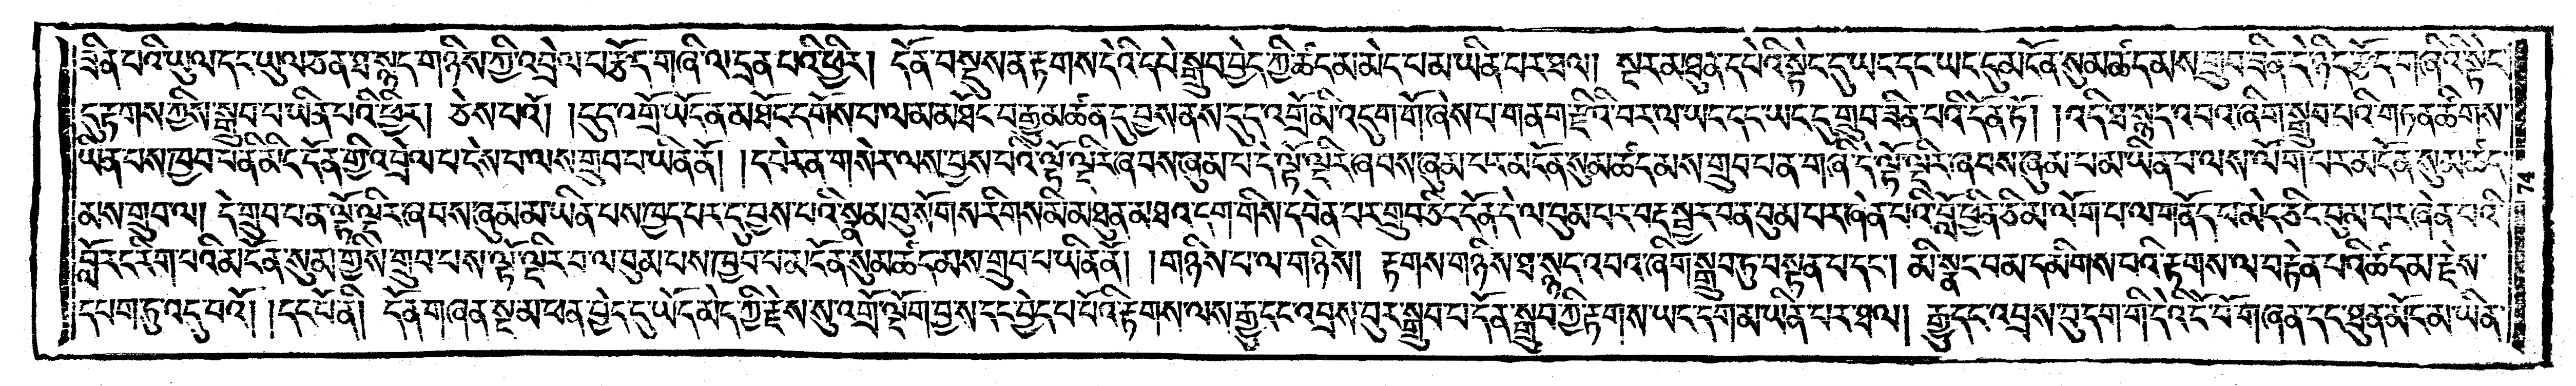ཟིན་པའི་ཡུལ་དང་ཡུལ་ཅན་ཐ་སྙད་གཉིས་ཀྱི་འབྲེལ་པ་རྩོད་གཞི་ལ་དྲན་པའི་ཕྱིར། དོན་བསྡུས་ན་རྟགས་དེའི་དཔེ་སྒྲུབ་བྱེད་ཀྱི་ཚད་མ་མེད་པ་མ་ཡིན་པར་ཐལ། སྔར་མཐུན་དཔེའི་སྟེང་དུ་ཡང་དང་ཡང་དུ་མངོན་སུམ་ཚད་མས་གྲུབ་ཟིན་དེ་ཉིད་རྩོད་གཞིའི་སྟེང་
དུ་རྟགས་ཀྱིས་སྒྲུབ་པ་ཡིན་པའི་ཕྱིར། ཅེས་པའོ། །དུད་འགྲོ་ཡོད་ན་མཐོང་དགོས་པ་ལ་མ་མཐོང་བ་རྒྱུ་མཚན་དུ་བྱས་ནས་དུད་འགྲོ་མི་འདུག་གོ་ཞེས་པ་གནག་རྫིའི་བར་ལ་ཡང་དང་ཡང་དུ་གྲུབ་ཟིན་པའི་དོན་ཏོ། །འདི་ཐ་སྙད་འབའ་ཞིག་སྒྲུབ་པའི་གཏན་ཚིགས་
ཡིན་པས་ཁྱབ་པ་ནི་མིང་དོན་གྱི་འབྲེལ་པ་ངེས་པ་ལས་གྲུབ་པ་ཡིན་ནོ། །དཔེར་ན་གསེར་ལས་བྱས་པའི་ལྟོ་ལྡིར་ཞབས་ཞུམ་པ་དེ་ལྟོ་ལྡིར་ཞབས་ཞུམ་པར་མངོན་སུམ་ཚད་མས་གྲུབ་པ་ན་གཞི་དེ་ལྟོ་ལྡིར་ཞབས་ཞུམ་པ་མ་ཡིན་པ་ལས་ལོག་པར་མངོན་སུམ་ཚད་
མས་གྲུབ་ལ། དེ་གྲུབ་པ་ན་ལྟོ་ལྡིར་ཞབས་ཞུམ་མ་ཡིན་པས་ཁྱད་པར་དུ་བྱས་པའི་སྣམ་བུ་སོགས་རིགས་མི་མཐུན་མཐའ་དག་གིས་དབེན་པར་གྲུབ་ཅིང་དོན་དེ་ལ་བུམ་པར་བརྡ་སྦྱར་བ་ན་བུམ་པར་ཞེན་པའི་བློ་ཕྱིན་ཅི་ལོག་པ་ལ་གནོད་པ་མེད་ཅིང་བུམ་པར་ཞེན་པའི་
བློ་རང་རིག་པའི་མངོན་སུམ་གྱིས་གྲུབ་པས་ལྟོ་ལྡིར་བ་ལ་བུམ་པས་ཁྱབ་པ་མངོན་སུམ་ཚད་མས་གྲུབ་པ་ཡིན་ནོ། །གཉིས་པ་ལ་གཉིས། རྟགས་གཉིས་ཐ་སྙད་འབའ་ཞིག་སྒྲུབ་ཏུ་བསྟན་པ་དང་། མི་སྣང་བ་མ་དམིགས་པའི་རྟགས་ལ་བརྟེན་པའི་ཚད་མ་རྗེས་
དཔག་ཏུ་འདུ་བའོ། །དང་པོ་ནི། དོན་གཞན་སྔ་མ་ཕན་བྱེད་དུ་ཡོད་མེད་ཀྱི་རྗེས་སུ་འགྲོ་ལྡོག་བྱ་ས་དང་བྱེད་པ་པོའི་རྟགས་ལས་རྒྱུ་དང་འབྲས་བུར་སྒྲུབ་པ་དོན་སྒྲུབ་ཀྱི་རྟགས་ཡང་དག་མ་ཡིན་པར་ཐལ། རྒྱུ་དང་འབྲས་བུ་དག་གི་དེའི་ངོ་བོ་གཞན་དང་ཐུན་མོང་མ་ཡིན་